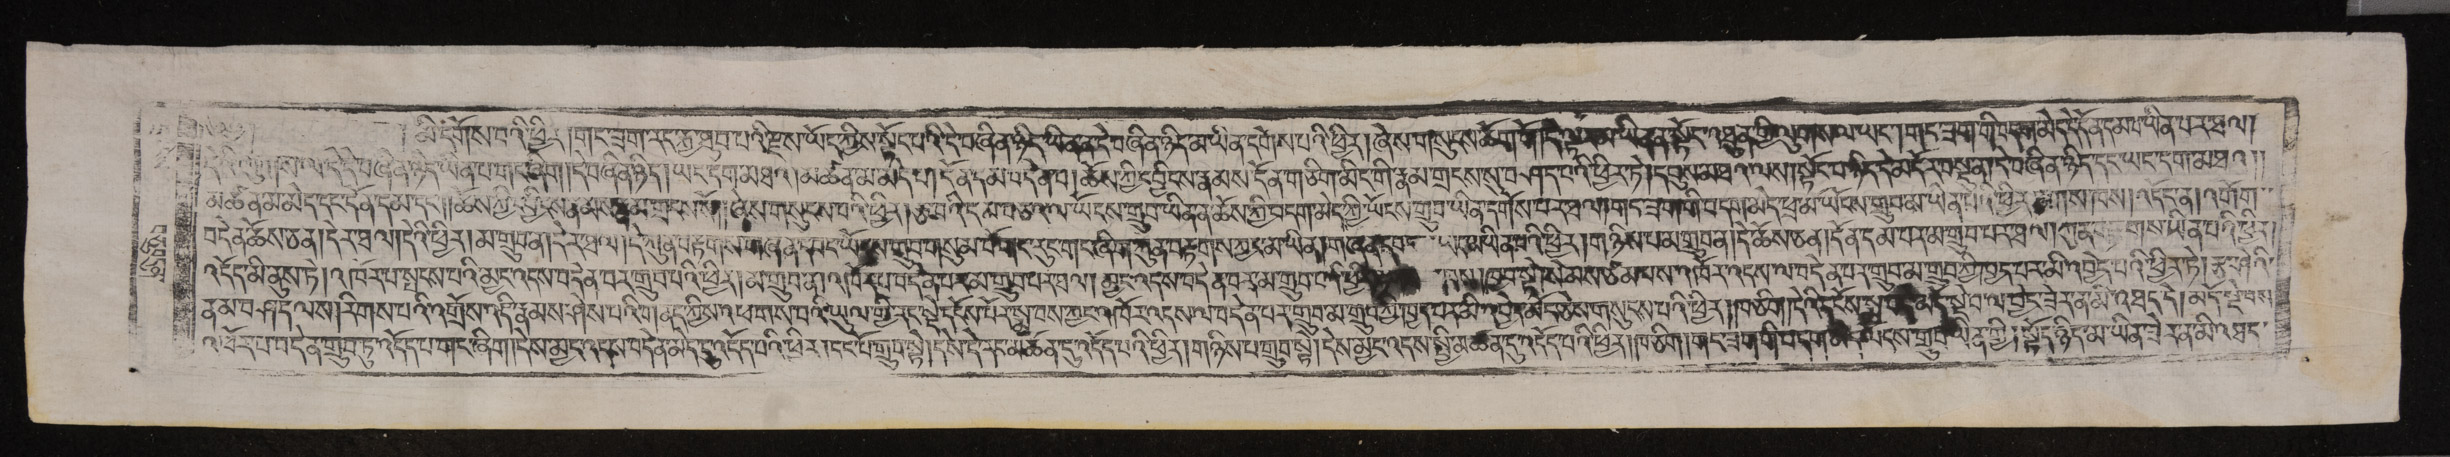༄༅། །མི་དགོས་པའི་ཕྱིར། གང་ཟག་རང་རྐྱ་ཐུབ་པའི་རྫས་ཡོད་ཀྱིས་སྟོང་པའི་དེ་བཞིན་ཉིད་ཡིན་ན་དེ་བཞིན་ཉིད་མ་ཡིན་དགོས་པའི་ཕྱིར། ཞེས་གསུངས་ཆོག་གོ། དེ་ལྟར་མ་ཡིན་ན་སྟོང་འཐུན་གྱི་ལུགས་ལ་ཡང་། གང་ཟག་གི་བདག་མེད་དེ་དོན་དམ་པ་ཡིན་པར་ཐལ།
དེའི་ལུགས་ལ་དེ་དེ་བཞིན་ཉིད་ཡིན་པ་གང་ཞིག། དེ་བཞིན་ཉིད། ཡང་དག་མཐའ། མཚན་མ་མེད་པ། དོན་དམ་བདེན་པ། ཆོས་ཀྱི་དབྱིངས་རྣམས་དོན་གཅིག་མིང་གི་རྣམ་གྲངས་སུ་བཤད་པའི་ཕྱིར་ཏེ། དབུས་མཐའ་ལས། སྟོང་པ་ཉིད་དེ་མདོར་བསྡུ་ན། །དེ་བཞིན་ཉིད་དང་ཡང་དག་མཐའ།
མཚན་མ་མེད་དང་དོན་དམ་དང་། །ཆོས་ཀྱི་དབྱིངས་རྣམས་རྣམ་གྲངས་སོ། །ཞེས་གསུངས་པའི་ཕྱིར། རྩ་བའི་དམ་བཅའ་ལ་ཡོངས་གྲུབ་ཡིན་ན་ཆོས་ཀྱི་བདག་མེད་ཀྱི་ཡོངས་གྲུབ་ཡིན་དགོས་པར་ཐལ། གང་ཟག་གི་བདག་མེད་ཕྲ་མོ་ཡོངས་གྲུབ་མ་ཡིན་པའི་ཕྱིར། རྟགས་ཁས། འདོད་ན། འགོག་
བདེན་ཆོས་ཅན། དེར་ཐལ། དེའི་ཕྱིར། མ་གྲུབ་ན། དེར་ཐལ། དེ་ཀུན་བརྟགས་གཞན་དབང་ཡོངས་གྲུབ་གསུམ་པོ་གང་རུང་གང་ཞིག་ཀུན་བརྟགས་ཀྱང་མ་ཡིན། གཞན་དབང་ཡང་མ་ཡིན་པའི་ཕྱིར། གཉིས་པ་མ་གྲུབ་ན། དེ་ཆོས་ཅན། དོན་དམ་པར་མ་གྲུབ་པར་ཐལ། ཀུན་བརྟགས་ཡིན་པའི་ཕྱིར།
འདོད་མི་ནུས་ཏེ། འཁོར་བ་སྤངས་པའི་མྱང་འདས་བདེན་པར་གྲུབ་པའི་ཕྱིར། མ་གྲུབ་ན། འཁོར་བ་བདེན་པར་མ་གྲུབ་པར་ཐལ། མྱང་འདས་བདེན་པར་མ་གྲུབ་པའི་ཕྱིར། རྟགས་ཁས། ཁྱབ་སྟེ། སེམས་ཙམ་པས་འཁོར་འདས་ལ་བདེན་པར་གྲུབ་མ་གྲུབ་ཀྱི་ཁྱད་པར་མི་འབྱེད་པའི་ཕྱིར་ཏེ། རྩ་ཤེའི་
རྣམ་བཤད་ལས། རིགས་པའི་འགྲོས་འདི་རྣམས་ཤེས་པའི་གནད་ཀྱིས་འཕགས་པའི་ཡུལ་གྱི་རང་སྡེ་དངོས་པོར་སྨྲ་བས་ཀྱང་འཁོར་འདས་ལ་བདེན་པར་གྲུབ་མ་གྲུབ་ཀྱི་ཁྱད་པར་མི་འབྱེད་མོད་ཅེས་གསུངས་པའི་ཕྱིར། ཁ་ཅིག། དེའི་དངོས་སྨྲ་བ་ད་མདོ་སྡེ་པ་ལ་བྱེད་ཟེར་ན་མི་འཐད་དེ། མདོ་སྡེ་པས་
འཁོར་བ་བདེན་གྲུབ་ཏུ་འདོད་པ་གང་ཞིག། དེས་མྱང་འདས་བདེན་མེད་དུ་འདོད་པའི་ཕྱིར། དང་པོ་གྲུབ་སྟེ། དེས་དེ་རང་མཚན་དུ་འདོད་པའི་ཕྱིར། གཉིས་པ་གྲུབ་སྟེ། དེས་མྱང་འདས་སྤྱི་མཚན་དུ་འདོད་པའི་ཕྱིར། ཁ་ཅིག། གང་ཟག་གི་བདག་མེད་ཡོངས་གྲུབ་ཡིན་གྱི། སྟོང་ཉིད་མ་ཡིན་ཟེར་ན་མི་འཐད་